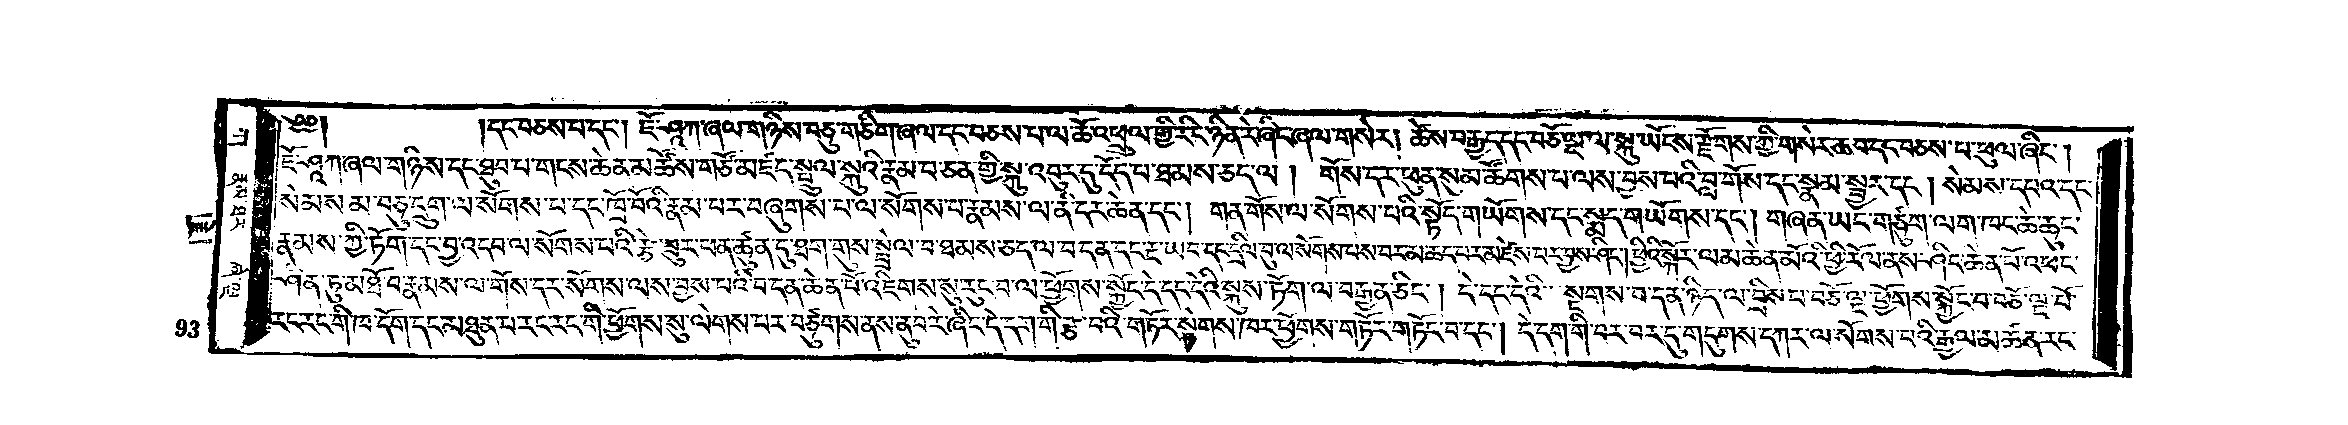༄༅། །དང་བཅས་པ་དང་། ཇོ་ཤཱཀ་ཞལ་གཉིས་བཅུ་གཅིག་ཞལ་དང་བཅས་པ་ལ་ཆོ་འཕྲུལ་གྱི་རིང་ཉིན་རེ་ཞིང་ཞལ་གསེར། ཚེས་བརྒྱད་དང་བཅོ་ལྔ་ལ་སྐུ་ཡོངས་རྫོགས་ཀྱི་གསེར་ཆབ་དང་བཅས་པ་ཕུལ་ཞིང་།
ཇོ་ཤཱཀ་ཞལ་གཉིས་དང་ཐུབ་པ་གངས་ཆེན་མཚོས་གཙོ་མཛད་སྤྲུལ་སྐུའི་རྣམ་པ་ཅན་གྱི་སྐུ་འབུར་དུ་དོད་པ་ཐམས་ཅད་ལ། གོས་དར་ཕུན་སུམ་ཚོགས་པ་ལས་བྱས་པའི་བླ་གོས་དང་སྣམ་སྦྱར་དང་། སེམས་དཔའ་དང་
སེམས་མ་བཅུ་དྲུག་ལ་སོགས་པ་དང་ཁྲོ་བོའི་རྣམ་པར་བཞུགས་པ་ལ་སོགས་པ་རྣམས་ལ་ནི་དར་ཆེན་དང་། གན་གོས་ལ་སོགས་པའི་སྟོད་གཡོགས་དང་སྨད་གཡོགས་དང་། གཞན་ཡང་གཙུག་ལག་ཁང་ཆེ་ཆུང་
རྣམས་ཀྱི་ཏོག་དང་བྱ་འདབ་ལ་སོགས་པའི་རྩེ་ཟུར་ཕན་ཚུན་དུ་ཐག་གུས་སྦྲེལ་བ་ཐམས་ཅད་ལ་བ་དན་དང་རྔ་ཡབ་དང་དྲིལ་བུ་ལ་སོགས་པས་བར་མ་ཆད་པར་མཛེས་པར་བྱས་ཤིང་། ཕྱིའི་སྐོར་ལམ་ཆེན་མོའི་ཕྱི་རོལ་ནས་ཤིང་ཆེན་པོ་འཕང་
ཤིན་ཏུ་མཐོ་བ་རྣམས་ལ་གོས་དར་སོགས་ལས་བྱས་པའི་བ་དན་ཆེན་པོ་འཇིགས་སུ་རུང་བ་ལ་ཕྱོགས་སྐྱོང་དེ་དང་དེའི་སྐུས་ཏོག་ལ་བརྒྱན་ཅིང་། དེ་དང་དེའི་སྔགས་བ་དན་ཉིད་ལ་བྲིས་པ་བཅོ་ལྔ་ཕྱོགས་སྐྱོང་བ་བཅོ་ལྔ་པོ་
རང་རང་གི་ཁ་དོག་དང་མཐུན་པ་རང་རང་གི་ཕྱོགས་སུ་ལེགས་པར་བཙུགས་ནས་ནུབ་རེ་ཞིང་དེ་དག་གི་རྩ་བའི་གཏོར་སྟེགས་ཁར་ཕྱོགས་གཏོར་གཏོང་བ་དང་། དེ་དག་གི་བར་བར་དུ་གདུགས་དཀར་ལ་སོགས་པའི་རྒྱལ་མཚན་རང་